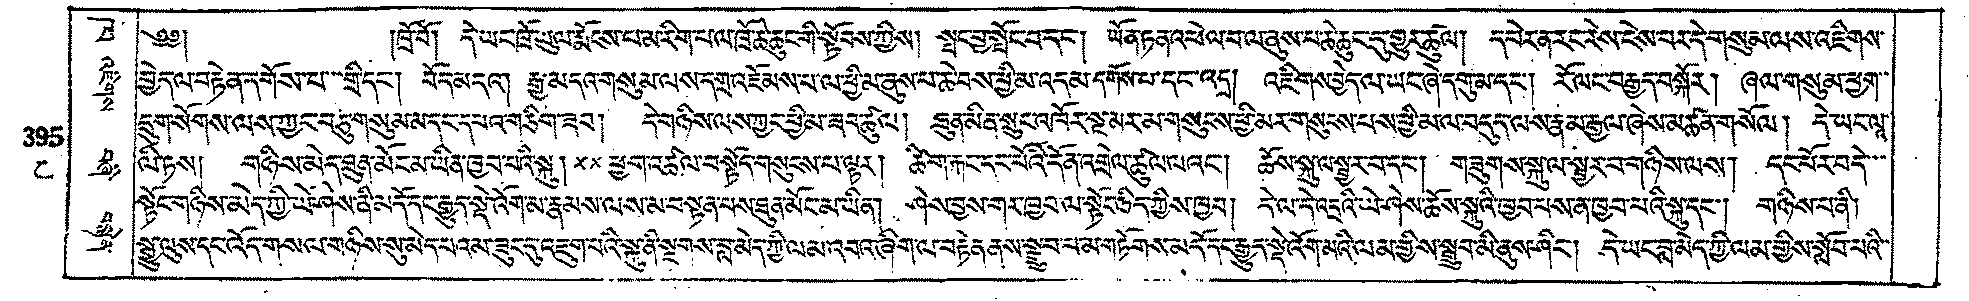༄༅། །ཁྲོ་བོ། དེ་ཡང་ཁྲོ་ཡུལ་རྨོངས་པ་མ་རིག་པ་ལ་ཁྲོ་ཆེ་ཆུང་གི་སྟོབས་ཀྱིས། སྤང་བྱ་སྤོང་བ་དང་། ཡོན་ཏན་འཕེལ་བ་ལ་ནུས་པ་ཆེ་ཆུང་དུ་གྱུར་ཚུལ། དཔེར་ན་རང་རེས་ངེས་པར་དེ་གསུམ་ལས་འཇིགས་
བྱེད་ལ་བརྟེན་དགོས་པ་་་གྲི་དང་། བོད་མདའ། རྒྱ་མདའ་གསུམ་ལས་དགྲ་འཇོམས་པ་ལ་ཕྱི་མ་ནུས་པ་ཆེ་བས་ཕྱི་མ་འདམ་དགོས་པ་དང་འདྲ། འཇིགས་བྱེད་ལ་ཡང་ཞེ་དགུ་མ་དང་། རོ་ལང་བརྒྱད་བསྐོར། ཞལ་གསུམ་ཕྱག་་་
དྲུག་སོགས་ལས་ཀྱང་བཅུ་གསུམ་མ་དང་དཔའ་གཅིག་ཟབ། དེ་གཉིས་ལས་ཀྱང་ཕྱི་མ་ཟབ་ཚུལ། ཐུན་མིན་སྲུང་འཁོར་སྔ་མར་མ་གསུངས་ཕྱི་མར་གསུངས་པས་ཕྱི་མ་ལ་བདུད་ལས་རྣམ་རྒྱལ་ཞེས་མཚན་གསོལ། དེ་ཡང་ལཱ་
ལི་ཏས། གཉིས་མེད་ཐུན་མོང་མ་ཡིན་ཁྱབ་པའི་སྐུ། ྾྾་ཕྱག་འཚལ་བསྟོད་གསུངས་པ་ལྟར། ཚིག་རྐང་དང་པོའི་དོན་འགྲེལ་ཚུལ་ལའང་། ཆོས་སྐུ་ལ་སྦྱར་བ་དང་། གཟུགས་སྐུ་ལ་སྦྱར་བ་གཉིས་ལས། དང་པོར་བདེ་་་
སྟོང་གཉིས་མེད་ཀྱི་ཡེ་ཤེས་ནི་མདོ་དང་རྒྱུད་སྡེ་འོག་མ་རྣམས་ལས་མ་བསྟན་པས་ཐུན་མོང་མ་ཡིན། ཤེས་བྱས་གར་ཁྱབ་ལ་སྟོང་ཉིད་ཀྱིས་ཁྱབ། དེ་ལ་དེ་འདྲའི་ཡེ་ཤེས་ཆོས་སྐུའི་ཁྱབ་པས་ན་ཁྱབ་པའི་སྐུ་དང་། གཉིས་པ་ནི།
སྒྱུ་ལུས་དང་འོད་གསལ་གཉིས་སུ་མེད་པའམ་ཟུང་དུ་འཇུག་པའི་སྐུ་ནི་སྔགས་བླ་མེད་ཀྱི་ལམ་འབའ་ཞིག་ལ་བརྟེན་ནས་སྒྲུབ་པ་མ་གཏོགས་མདོ་དང་རྒྱུད་སྡེ་འོག་མའི་ལམ་གྱིས་སྒྲུབ་མི་ནུས་ཤིང་། དེ་ཡང་བླ་མེད་ཀྱི་ལམ་གྱིས་སློབ་པའི་་་